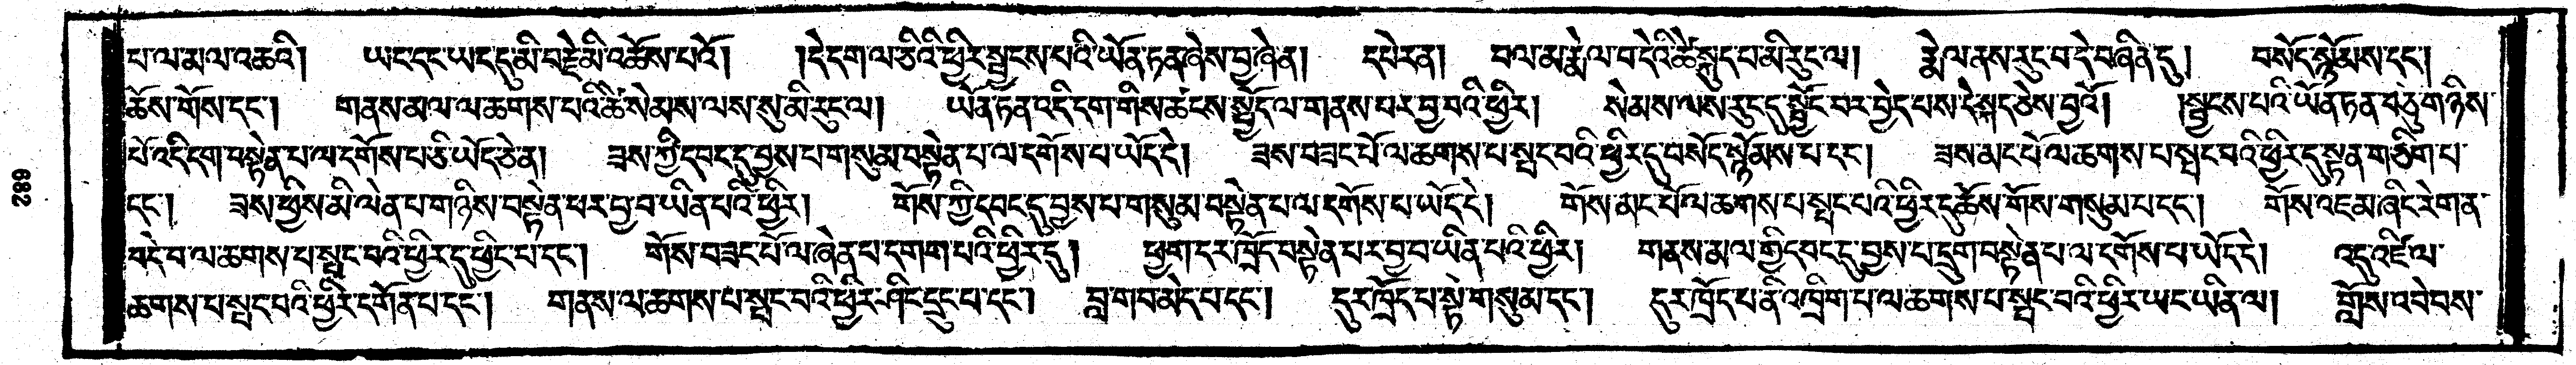པ་ལ་མལ་འཆའི། །ཡང་དང་ཡང་དུ་མི་བརྗེ་མི་འཆོས་པའོ། །དེ་དག་ལ་ཅིའི་ཕྱིར་སྦྱངས་པའི་ཡོན་ཏན་ཞེས་བྱ་ཞེ་ན། དཔེར་ན། པལ་མ་རྨེལ་བ་དེའི་ཚེ་སྐུད་པ་མི་རུང་ལ། རྨེལ་ནས་རུང་བ་དེ་བཞིན་དུ། བསོད་སྙོམས་དང་།
ཆོས་གོས་དང་། གནས་མལ་ལ་ཆགས་པའི་ཚེ་སེམས་ལས་སུ་མི་རུང་ལ། ཡོན་ཏན་འདི་དག་གིས་ཚངས་སྤྱོད་ལ་གནས་པར་བྱ་བའི་ཕྱིར། སེམས་ལས་རུང་དུ་སྦྱོང་བར་བྱེད་པས་དེ་སྐད་ཅེས་བྱའོ། །སྦྱངས་པའི་ཡོན་ཏན་བཅུ་གཉིས་
པོ་འདི་དག་བསྟེན་པ་ལ་དགོས་པ་ཅི་ཡོད་ཅེ་ན། ཟས་ཀྱི་དབང་དུ་བྱས་པ་གསུམ་བསྟེན་པ་ལ་དགོས་པ་ཡོད་དེ། ཟས་བཟང་པོ་ལ་ཆགས་པ་སྤང་བའི་ཕྱིར་དུ་བསོད་སྙོམས་པ་དང་། ཟས་མང་པོ་ལ་ཆགས་པ་སྤང་བའི་ཕྱིར་དུ་སྟན་གཅིག་པ་
དང་། ཟས་ཕྱིས་མི་ལེན་པ་གཉིས་བསྟེན་པར་བྱ་བ་ཡིན་པའི་ཕྱིར། གོས་ཀྱི་དབང་དུ་བྱས་པ་གསུམ་བསྟེན་པ་ལ་དགོས་པ་ཡོད་དེ། གོས་མང་པོ་ལ་ཆགས་པ་སྤང་པའི་ཕྱིར་དུ་ཆོས་གོས་གསུམ་པ་དང་། གོས་འཇམ་ཞིང་རེག་ན་
བདེ་བ་ལ་ཆགས་པ་སྤང་བའི་ཕྱིར་དུ་ཕྱིང་པ་དང་། གོས་བཟང་པོ་ལ་ཞེན་པ་དགག་པའི་ཕྱིར་དུ། ཕྱག་དར་ཁྲོད་བསྟེན་པར་བྱ་བ་ཡིན་པའི་ཕྱིར། གནས་མལ་གྱི་དབང་དུ་བྱས་པ་དྲུག་བསྟེན་པ་ལ་དགོས་པ་ཡོད་དེ། འདུ་འཛི་ལ་
ཆགས་པ་སྤང་པའི་ཕྱིར་དགོན་པ་དང་། གནས་ལ་ཆགས་པ་སྤང་བའི་ཕྱིར་ཤིང་དྲུང་པ་དང་། བླ་གབ་མེད་པ་དང་། དུར་ཁྲོད་པ་སྟེ་གསུམ་དང་། དུར་ཁྲོད་པ་ནི་འཁྲིག་པ་ལ་ཆགས་པ་སྤང་བའི་ཕྱིར་ཡང་ཡིན་ལ། གློས་འབེབས་